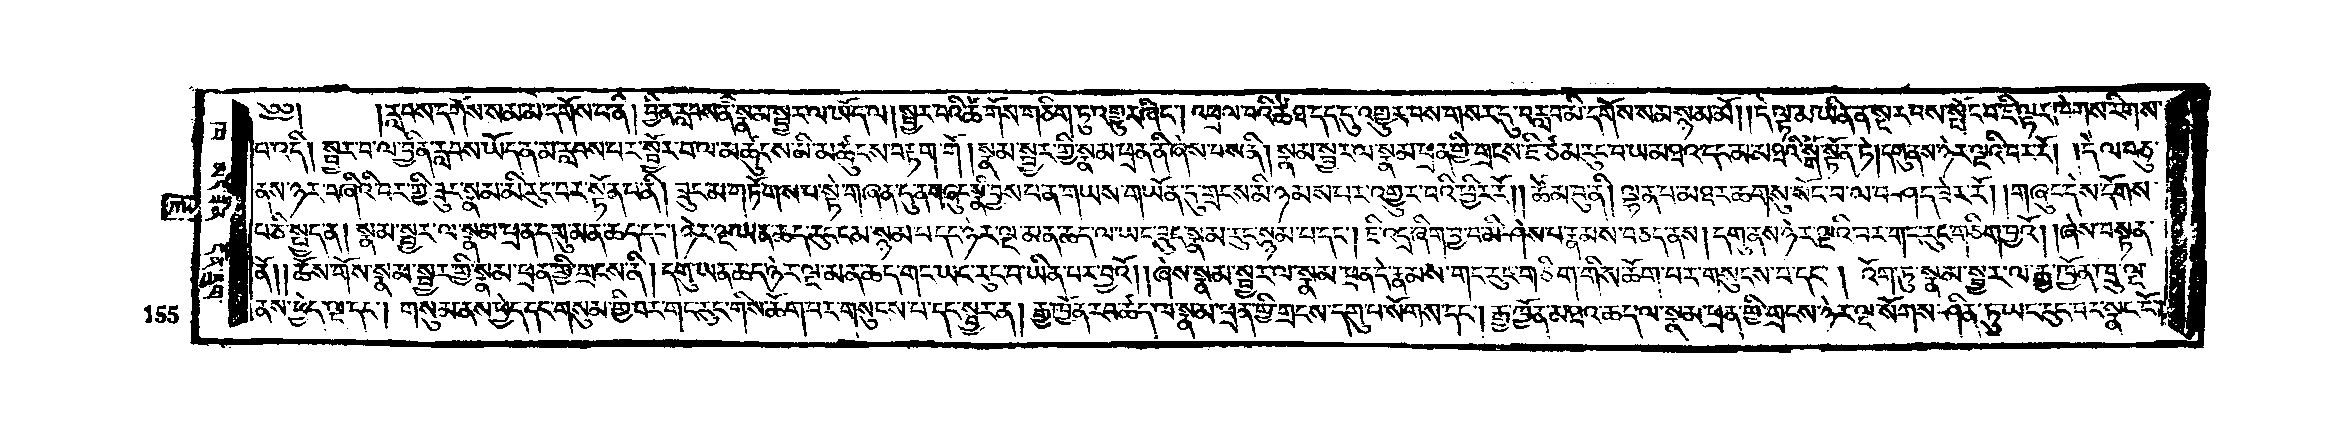༄༅། །རླབས་དགོས་སམ་མི་དགོས་པ་ནི། བྱིན་རླབས་ནི་སྣམ་སྦྱར་ལ་ཡོད་ལ། སྦྱར་བའི་ཚེ་གོས་གཅིག་ཏུ་འགྱུར་ཞིང་། འཕྲལ་བའི་ཚེ་ཐ་དད་དུ་འགྱུར་བས་གསར་དུ་བརླབ་མི་དགོས་སམ་སྙམ་མོ། །དེ་ལྟ་མ་ཡིན་ན་སྔར་བས་སྤོང་བ་ཇི་ལྟར་ཁེགས་རིགས་
པ་འདི། སྦྱར་བ་ལ་བྱིན་རླབས་ཡོད་ན་མ་རླབས་པར་སྦྱོར་བ་ལ་མཚུངས་མི་མཚུངས་བརྟག་གོ །སྣམ་སྦྱར་གྱི་སྣམ་ཕྲན་ནི་ཞེས་པས་ནི། སྣམ་སྦྱར་ལ་སྣམ་ཕྲན་གྱི་གྲངས་ཇི་ཙམ་རུང་བ་ཡ་མཐའ་དང་མ་མཐའི་སྒོ་སྟོན་ཏེ། དགུ་ནས་ཉེར་ལྔའི་བར་རོ། །དེ་ལ་བཅུ་
ནས་ཉར་བཞིའི་བར་གྱི་ཟུར་སྣམ་མི་རུང་བར་སྟོན་པ་ནི། ཟུང་མ་གཏོགས་པ་སྟེ་གཞན་དུ་ན་གཞུང་སྣམ་བྱས་པ་ན་གཡས་གཡོན་དུ་གྲངས་མི་ཉམས་པར་འགྱུར་བའི་ཕྱིར་རོ། །ཚེམ་བུ་ནི། ལྷན་པ་མཐར་ཆགས་སུ་སོང་བ་ལ་བཤད་ཟེར་རོ། །གཞུང་དེས་དོགས་
པ་ཅི་སྤྱད་ན། སྣམ་སྦྱར་ལ་སྣམ་ཕྲན་དགུ་མན་ཆད་དང་། ཉེར་ལྔ་ཡན་ཆད་རུང་ངམ་སྙམ་པ་དང་ཉེར་ལྔ་མན་ཆད་ལ་ཡང་ཟུང་སྣམ་རུང་སྙམ་པ་དང་། ཇི་འདྲ་ཞིག་བྱ་བ་མི་ཤེས་པ་རྣམས་བཅད་ནས། དགུ་ནས་ཉེར་ལྔའི་བར་གང་རུང་གཅིག་བྱའོ། །ཞེས་བསྟན་
ནོ། །ཆོས་གོས་སྣམ་སྦྱར་གྱི་སྣམ་ཕྲན་གྱི་གྲངས་ནི། དགུ་ཡན་ཆད་ཉེར་ལྔ་མན་ཆད་གང་ཡང་རུང་བ་ཡིན་པར་བྱའོ། །ཞེས་སྣམ་སྦྱར་ལ་སྣམ་ཕྲན་དེ་རྣམས་གང་རུང་གཅིག་གིས་ཆོག་པར་གསུངས་པ་དང་། འོག་ཏུ་སྣམ་སྦྱར་ལ་རྒྱ་ཁྱོན་ཁྲུ་ལྔ་
ནས་ཕྱེད་ལྔ་དང་། གསུམ་ནས་ཕྱེད་དང་གསུམ་གྱི་བར་གང་རུང་གིས་ཆོག་པར་གསུངས་པ་དང་སྦྱར་ན། རྒྱ་ཁྱོན་རབ་ཚད་ལ་སྣམ་ཕྲན་གྱི་གྲངས་དགུ་པ་སོགས་དང་། རྒྱ་ཁྱོན་མཐའ་ཆད་ལ་སྣམ་ཕྲན་གྱི་གྲངས་ཉེར་ལྔ་སོགས་ཤིན་ཏུ་ཡང་རུང་བར་སྣང་ངོ་